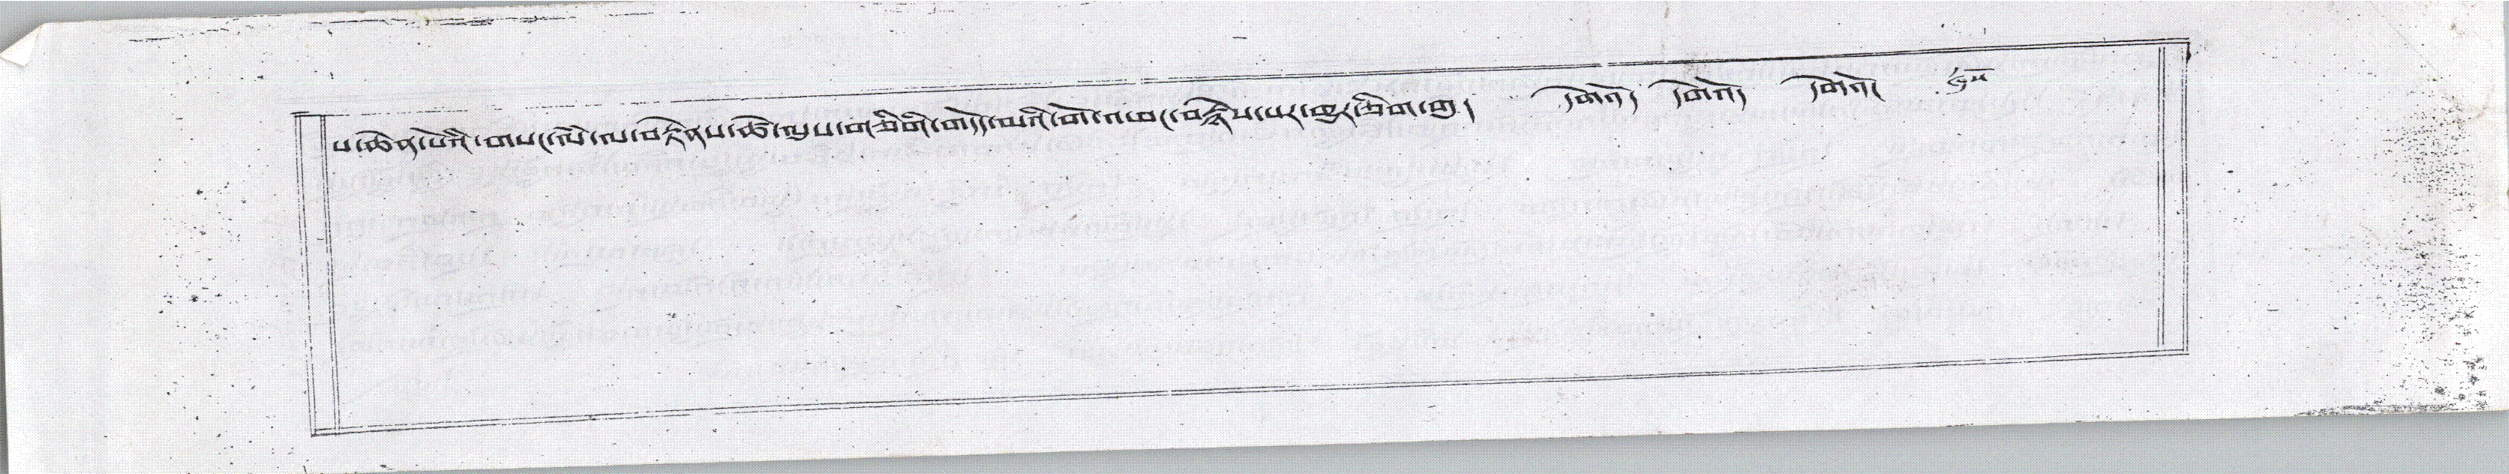པ་ཆེན་པོའི་གསང་ལམ་ལ་བརྟེན་ནས་ཚེ་ལུས་གཅིག་གི་གདོད་མའི་གོ་འཕང་བརྙེས་པར་གྱུར་ཅིག། །།དགེའོ། དགེའོ། དགེའོ། །ཞུས་སོ། །